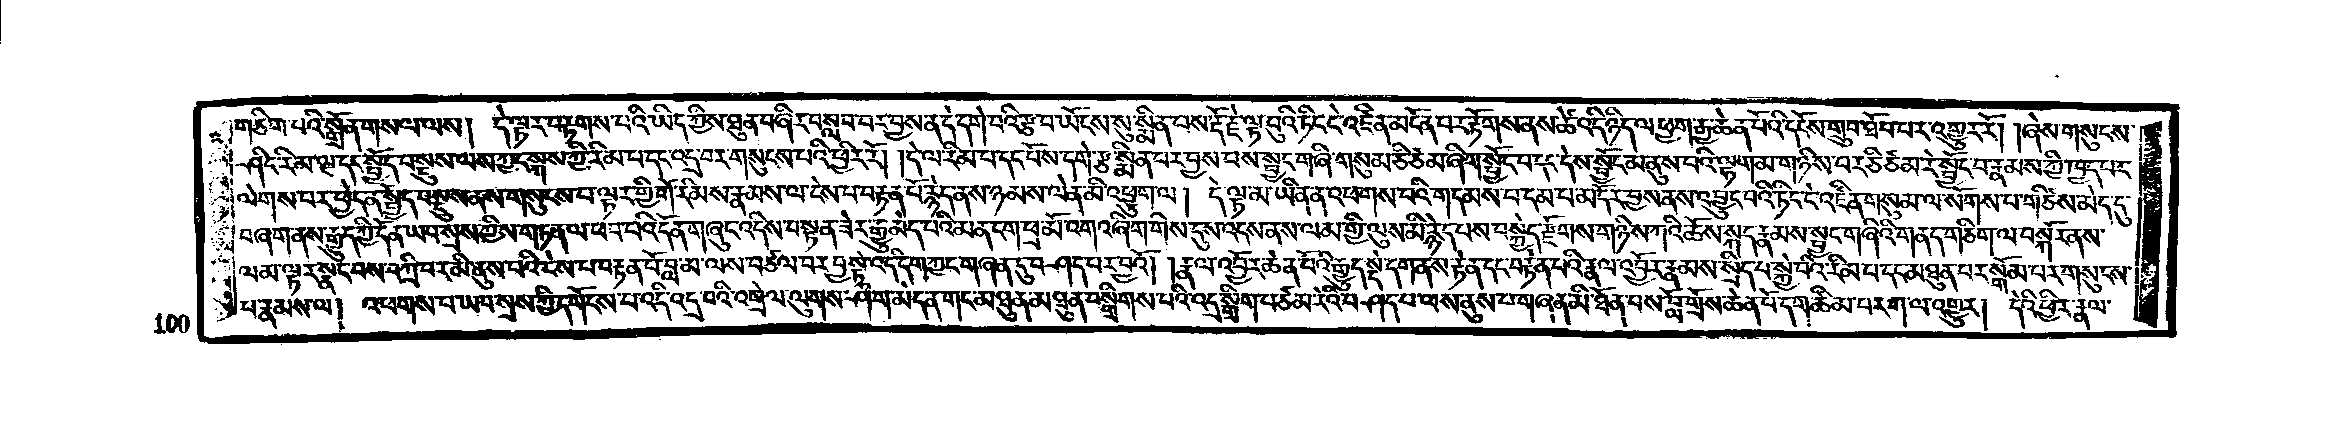གཅིག་པའི་སྒྲོན་གསལ་ལས། དེ་ལྟར་བརྟགས་པའི་ཡིད་ཀྱིས་ཐུན་བཞིར་བསླབ་པར་བྱས་ན་དེ་དགེ་བའི་རྩ་བ་ཡོངས་སུ་སྨིན་པས་རྡོ་རྗེ་ལྟ་བུའི་ཏིང་ངེ་འཛིན་མངོན་པར་རྟོགས་ནས་ཚེ་འདི་ཉིད་ལ་ཕྱག་རྒྱ་ཆེན་པོའི་དངོས་གྲུབ་ཐོབ་པར་འགྱུར་རོ། །ཞེས་གསུངས་
ཤིང་རིམ་ལྔ་དང་སྤྱོད་བསྡུས་ལས་ཀྱང་སྐས་ཀྱི་རིམ་པ་དང་འདྲ་བར་གསུངས་པའི་ཕྱིར་རོ། །དེ་ལ་རིམ་པ་དང་པོས་དགེ་རྩ་སྨིན་པར་བྱས་པས་སྦྱང་གཞི་གསུམ་ཅི་ཙམ་ཞིག་སྦྱོང་བ་དང་དེས་སྦྱོང་མ་ནུས་པའི་ལྷག་མ་གཉིས་པར་ཅི་ཙམ་རེ་སྦྱོང་བ་རྣམས་ཀྱི་ཁྱད་པར་
ལེགས་པར་ཕྱེད་ན་སྤྱོད་བསྡུས་ནས་གསུངས་པ་ལྟར་གྱི་གོ་རིམས་རྣམས་ལ་ངེས་པ་བརྟན་པོ་རྙེད་ནས་ཉམས་ལེན་མི་འཕྱུག་ལ། ད་ལྟ་མ་ཡིན་ན་འཕགས་པའི་གདམས་པ་དམ་པ་མདོར་བྱས་ནས་འབྱུང་བའི་ཏིང་ངེ་འཛིན་གསུམ་ལ་སོགས་པ་གཙིས་མེད་དུ་
བཞག་ནས་རྒྱུད་ཀྱི་དོན་ཡབ་སྲས་ཀྱིས་གཏན་ལ་ཕབ་པའི་དོན་གཞུང་འདིས་བསྟན་ཟེར་རྒྱུ་མེད་པའི་མན་ངག་ཕྲ་མོ་འགའ་ཞིག་གིས་དུས་འདས་ནས་ལམ་གྱི་ལུས་མི་རྙེད་པས་བསྐྱེད་རྫོགས་གཉིས་ཀའི་ཆོས་སྐད་རྣམས་སྦྱང་གཞིའི་གནད་གཅིག་ལ་བསྐོར་ནས་
ལམ་ལྟར་སྣང་བས་བཀྲི་བར་མི་ནུས་པའི་ངེས་པ་བརྟན་པོ་བླ་མ་ལས་བཙལ་བར་བྱ་སྟེ་འདི་དག་ཀྱང་གཞན་དུ་བཤད་པར་བྱའོ། །རྣལ་འབྱོར་ཆེན་པོའི་རྒྱུད་སྡེ་དག་ནས་རྟེན་དང་བརྟེན་པའི་རྣལ་འབྱོར་རྣམས་སྲིད་པ་སྐྱེ་བའི་རིམ་པ་དང་མཐུན་པར་སྒོམ་པར་གསུངས་
པ་རྣམས་ལ། འཕགས་པ་ཡབ་སྲས་ཀྱི་དགོངས་པ་འདི་འདྲ་བའི་འགྲེལ་ལུགས་ཤིག་མེད་ན་གང་མཐུན་མཐུན་བསྒྲིགས་པའི་འདྲ་སྒྲིག་པ་ཙམ་རེའི་བཤད་པ་ལས་ནུས་པ་གཞན་མི་ཐོན་པས་བློ་གྲོས་ཆེན་པོ་དག་ཚིམ་པར་ག་ལ་འགྱུར། དེའི་ཕྱིར་རྣལ་